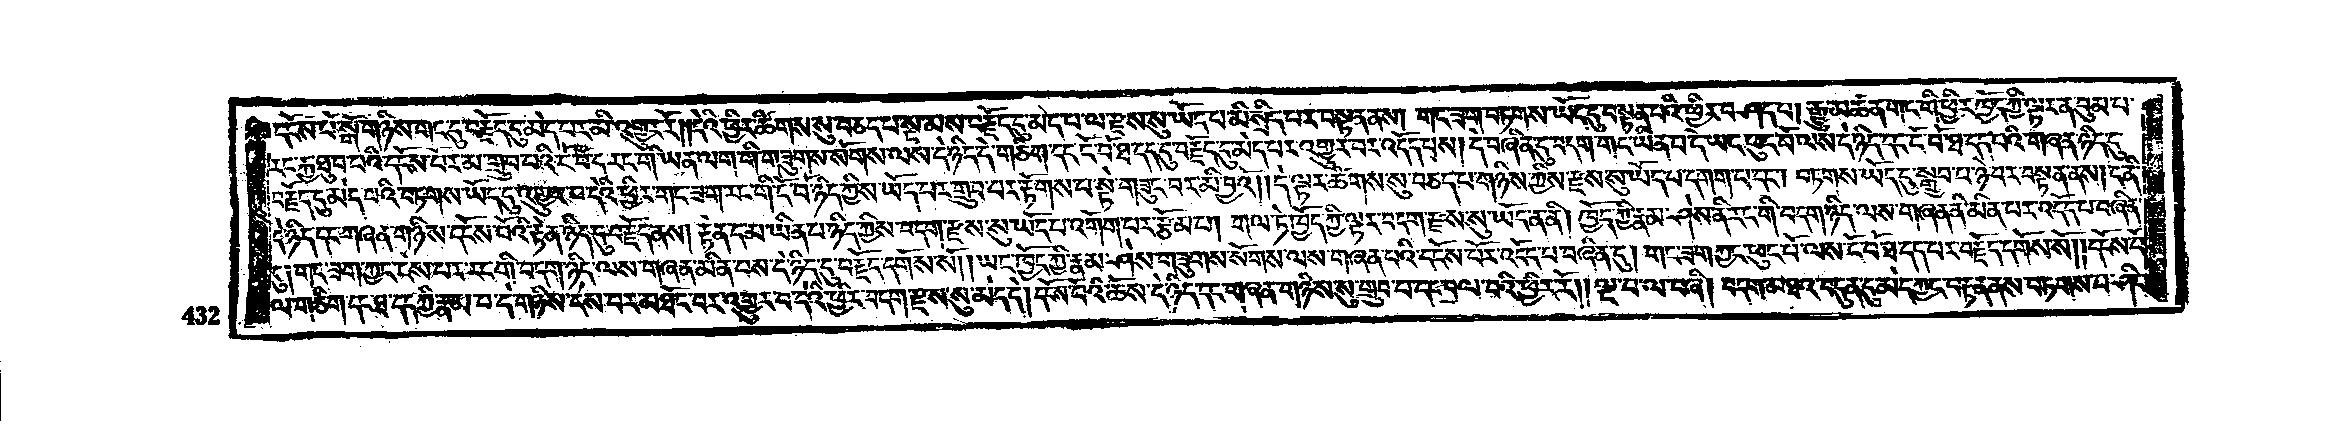དངོས་པོ་སྒོ་གཉིས་གང་དུ་བརྗོད་དུ་མེད་པར་མི་འགྱུར་རོ། །དེའི་ཕྱིར་ཚིགས་སུ་བཅད་པ་སྔ་མས་བརྗོད་དུ་མེད་པ་ལ་རྫས་སུ་ཡོད་པ་མི་སྲིད་པར་བསྟན་ནས། གང་ཟག་བཏགས་ཡོད་དུ་བསྟན་པའི་ཕྱིར་བཤད་པ། རྒྱུ་མཚན་གང་གི་ཕྱིར་ཁྱོད་ཀྱི་ལྟར་ན་བུམ་པ་
རང་རྐྱ་ཐུབ་པའི་དངོས་པོར་མ་གྲུབ་པའི་ངོ་བོ་དེ་རང་གི་ཡན་ལག་གི་གཟུགས་སོགས་ལས་དེ་ཉིད་དེ་གཅིག་དང་ངོ་བོ་ཐ་དད་དུ་བརྗོད་དུ་མེད་པར་འགྱུར་བར་འདོད་པས། དེ་བཞིན་དུ་བདག་གང་ཡིན་པ་དེ་ཡང་ཕུང་པོ་ལས་དེ་ཉིད་དང་ངོ་བོ་ཐ་དད་པའི་གཞན་ཉིད་དུ་
བརྗོད་དུ་མེད་པའི་བཏགས་ཡོད་དུ་འགྱུར་བ་དེའི་ཕྱིར་གང་ཟག་རང་གི་ངོ་བོ་ཉིད་ཀྱིས་ཡོད་པར་གྲུབ་པར་རྟོགས་པ་སྟེ་གཟུང་བར་མི་བྱའོ། །དེ་ལྟར་ཚིགས་སུ་བཅད་པ་གཉིས་ཀྱིས་རྫས་སུ་ཡོད་པ་དགག་པ་དང་། བཏགས་ཡོད་དུ་སྒྲུབ་པ་ཉེ་བར་བསྟན་ནས། དེ་ནི་
དེ་ཉིད་དང་གཞན་གཉིས་དངོས་པོའི་རྟེན་ཉིད་དུ་བརྗོད་ནས། རྟེན་དེ་མ་ཡིན་པ་ཉིད་ཀྱིས་བདག་རྫས་སུ་ཡོད་པ་འགོག་པར་རྩོམ་པ། གལ་ཏེ་ཁྱོད་ཀྱི་ལྟར་བདག་རྫས་སུ་ཡོད་ན་ནི། ཁྱོད་ཀྱི་རྣམ་ཤེས་ནི་རང་གི་བདག་ཉིད་ལས་གཞན་ནི་མིན་པར་འདོད་པ་བཞིན་
དུ། གང་ཟག་ཀྱང་ངེས་པར་རང་གི་བདག་ཉིད་ལས་གཞན་མིན་པས་དེ་ཉིད་དུ་བརྗོད་དགོས་སོ། །ཡང་ཁྱོད་ཀྱི་རྣམ་ཤེས་གཟུགས་སོགས་ལས་གཞན་པའི་དངོས་པོར་འདོད་པ་བཞིན་དུ། གང་ཟག་ཀྱང་ཕུང་པོ་ལས་ངོ་བོ་ཐ་དད་པར་བརྗོད་དགོས་སོ། །དངོས་པོ་
ལ་གཅིག་དང་ཐ་དད་ཀྱི་རྣམ་པ་དེ་གཉིས་ངེས་པར་མཐོང་པར་འགྱུར་བ་དེའི་ཕྱིར་བདག་རྫས་སུ་མེད་དེ། དངོས་པོའི་ཆོས་དེ་ཉིད་དང་གཞན་གཉིས་སུ་གྲུབ་པ་དང་བྲལ་བའི་ཕྱིར་རོ། །ལྔ་པ་ལ་བཞི། བདག་མཐའ་བདུན་དུ་མེད་ཀྱང་བརྟན་ནས་བཏགས་པ་ཤིང་